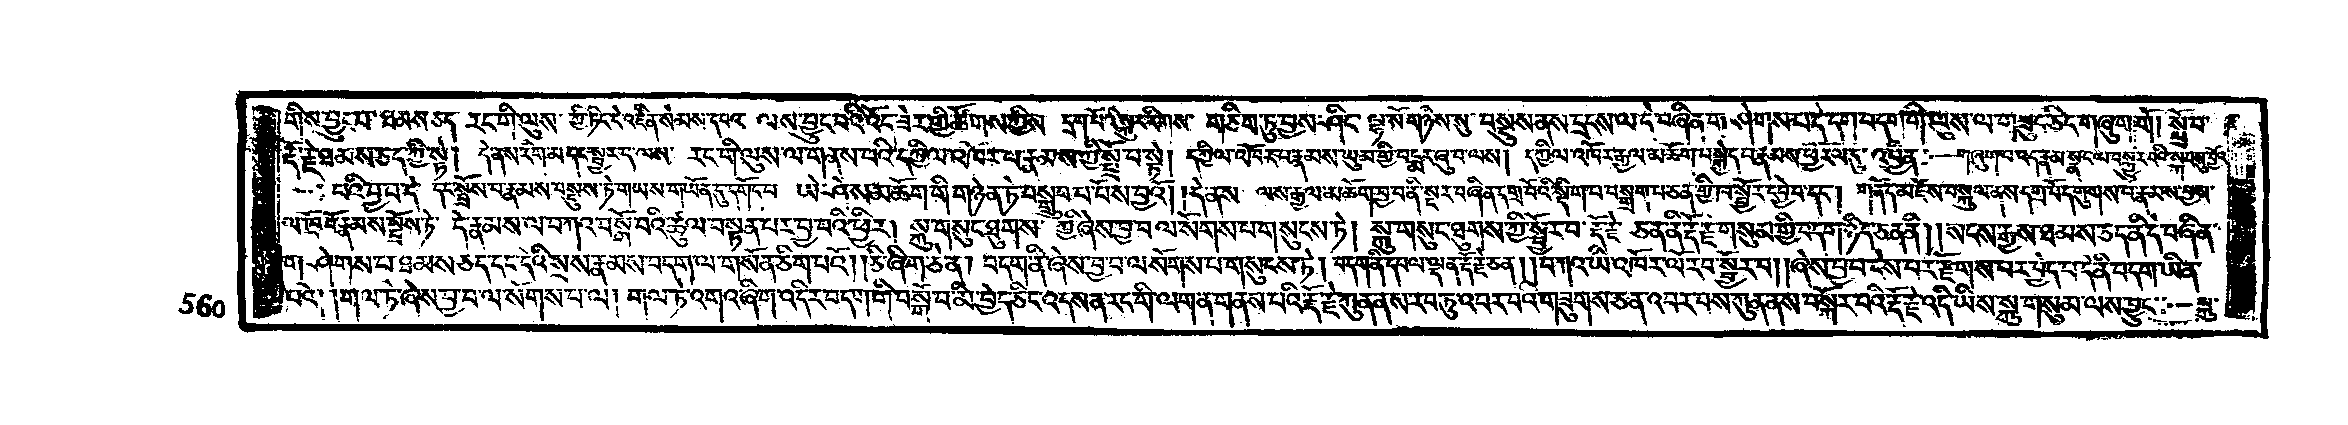གིས་བྱུང་བ་ཐམས་ཅད་རང་གི་ལུས་ཀྱི་ཏིང་ངེ་འཛིན་སེམས་དཔའ་ལས་བྱུང་བའི་འོད་ཟེར་གྱི་ཚོགས་ཀྱིས་དྲག་པོའི་སྐུར་རིགས་གཅིག་ཏུ་བྱས་ཤིང་ལྷ་སོ་གཉིས་སུ་བསྡུས་ནས་དྲངས་ལ་དེ་བཞིན་གཤེགས་པ་དེ་དག་བདག་གི་ལུས་ལ་གཟུང་ཅིང་གཞུག་གོ །སྤྲོ་བ་
རྡོ་རྗེ་ཐམས་ཅད་ཀྱི་སྟེ། དེ་ནས་རིག་མ་དང་སྦྱར་བ་ལས་རང་གི་ལུས་ལ་གནས་པའི་དཀྱིལ་འཁོར་པ་རྣམས་ཀྱི་སྤྲོ་བ་སྟེ། དཀྱིལ་འཁོར་པ་རྣམས་ཡུམ་གྱི་པདམར་ཞུ་བ་ལས། དཀྱིལ་འཁོར་རྒྱལ་མཆོག་བསྐྱེད་པ་རྣམས་ཕྱི་རོལ་དུ་འབྱིནཿ་གཞུག་པ་འདི་རྣམ་སྣང་ལ་བསྒྱུར་བའི་སྐབས་སུ་བྱའོ། །
.Hཔའི་བྱ་བ་དེ་དང་སྤྲོས་པ་རྣམས་བསྡུས་ཏེ་གཡས་གཡོན་དུ་དགོད་པ་ཡེ་ཤེས་མཆོག་གི་གཉེན་ཏེ་བསྒྲུབ་པ་པོས་བྱའོ། །དེ་ནས་ལས་རྒྱལ་མཆོག་བྱ་བ་ནི་སྔར་བཞིན་དགྲ་བོའི་སྡིག་པ་བསྒྲག་པ་ཅན་གྱི་ཁ་སྦྱོར་དབྱེ་བ་དང་། གནོད་མཛེས་བསྐུལ་ནས་དགྲ་བོ་དགུགས་པ་རྣམས་བྱས་
ལ་ཁྲོ་བོ་རྣམས་སྤྲོས་ཏེ་དེ་རྣམས་ལ་བཀའ་བསྒོ་བའི་ཚུལ་བསྟན་པར་བྱ་བའི་ཕྱིར། སྐུ་གསུང་ཐུགས་ཀྱི་ཞེས་བྱ་བ་ལ་སོགས་པ་གསུངས་ཏེ། སྐུ་གསུང་ཐུགས་ཀྱི་སྦྱོར་བ་རྡོ་རྗེ་ཅན་ནི་རྡོ་རྗེ་གསུམ་གྱི་བདག་ཉིད་ཅན་ནི། །སངས་རྒྱས་ཐམས་ཅད་ནི་དེ་བཞིན་
གཤེགས་པ་ཐམས་ཅད་དང་དེའི་སྲས་རྣམས་བདག་ལ་གསོན་ཅིག་པའོ། །ཅི་ཞིག་ཅེ་ན། བདག་ནི་ཞེས་བྱ་བ་ལ་སོགས་པ་གསུངས་ཏེ། བདག་ནི་དཔལ་ལྡན་རྡོ་རྗེ་ཅན། །བཀའ་ཡི་འཁོར་ལོ་རབ་སྦྱོར་བ། །ཞེས་བྱ་བ་ངེས་པར་རྫོགས་པར་བྱེད་པ་དེ་ནི་བདག་ཡིན་
པའོ། །གལ་ཏེ་ཞེས་བྱ་བ་ལ་སོགས་པ་ལ། གལ་ཏེ་འགའ་ཞིག་འདིར་བདག་གི་བ་སྒོ་བ་མི་བྱེད་ཅིང་འདས་ན་རང་གི་ལག་ན་གནས་པའི་རྡོ་རྗེ་ཀུན་ནས་རབ་ཏུ་འབར་བའི་གཟུགས་ཅན་འབར་བས་ཀུན་ནས་བསྐོར་བའི་རྡོ་རྗེ་འདི་ཡིས་སྐུ་གསུམ་ལས་བྱུངཿ་སྐུ་